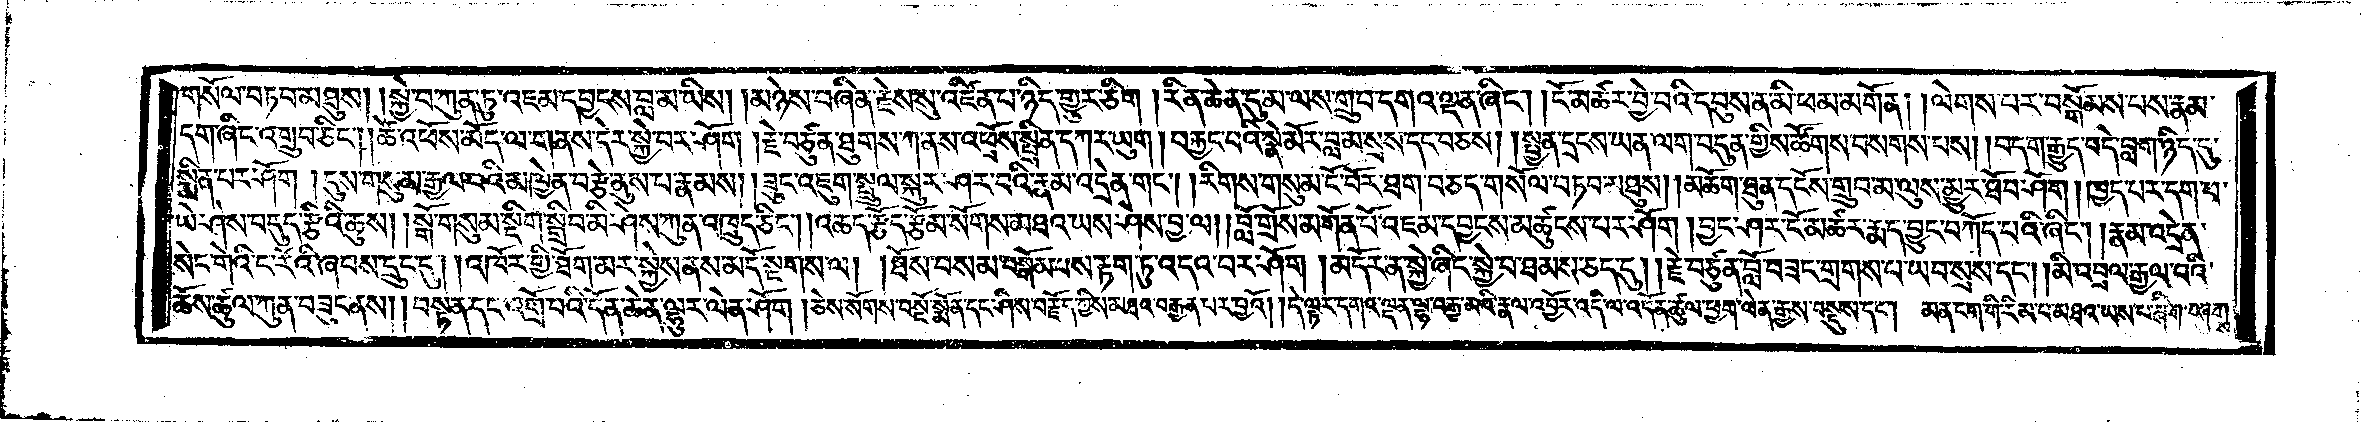གསོལ་བཏབ་མཐུས། །སྐྱེ་བ་ཀུན་ཏུ་འཇམ་དབྱངས་བླ་མ་ཡིས། །མཉེས་བཞིན་རྗེས་སུ་འཛིན་པ་ཉིད་གྱུར་ཅིག །རིན་ཆེན་དུ་མ་ལས་གྲུབ་དགའ་ལྡན་ཞིང་། །ངོ་མཚར་བྱེ་བའི་དབུས་ན་མི་ཕམ་མགོན། །ལེགས་པར་བསྒོམས་པས་རྣམ་
དག་ཞིང་འགྲུབ་ཅིང་། །ཚེ་འཕོས་མོད་ལ་གནས་དེར་སྐྱེ་བར་ཤོག །རྗེ་བཙུན་ཐུགས་ཀ་ནས་འཕྲོས་སྤྲིན་དཀར་ཡུག །བརྐྱང་བའི་སྣེ་མོར་བླ་མ་སྲས་དང་བཅས། །སྤྱན་དྲངས་ཡན་ལག་བདུན་གྱིས་ཚོགས་བསགས་པས། །བདག་རྒྱུད་བདེ་བླག་ཉིད་དུ་
སྨིན་པར་ཤོག །དུས་གསུམ་རྒྱལ་བའི་མཁྱེན་བརྩེ་ནུས་པ་རྣམས། །ཟུང་འཇུག་སྤྲུལ་སྐུར་ཤར་བའི་རྣམ་འདྲེན་གང་། །རིགས་གསུམ་ངོ་བོར་ཐག་བཅད་གསོལ་བཏབ་མཐུས། །མཆོག་ཐུན་དངོས་གྲུབ་མ་ལུས་མྱུར་ཐོབ་ཤོག །ཁྱད་པར་དག་པ་
ཡེ་ཤེས་བདུད་རྩིའི་ཆུས། །སྒོ་གསུམ་སྡིག་སྒྲིབ་མི་ཤེས་ཀུན་འཁྲུད་ཅིང་། །འཆད་རྩོད་རྩོམ་སོགས་མཐའ་ཡས་ཡེ་ཤེས་བྱ་ལ། །བློ་གྲོས་མགོན་པོ་འཇམ་དབྱངས་མཚུངས་པར་ཤོག །བྱང་ཤར་ངོ་མཚར་རྨད་བྱུང་བཀོད་པའི་ཞིང་། །རྣམ་འདྲེན་
སེང་གེའི་ང་རོའི་ཞབས་དྲུང་དུ། །འཁོར་གྱི་ཐོག་མར་སྐྱེས་ནས་མདོ་སྔགས་ལ། །ཐོས་བསམ་བསྒོམ་པས་རྟག་ཏུ་འདའ་བར་ཤོག །མདོར་ན་སྐྱེ་ཞིང་སྐྱེ་བ་ཐམས་ཅད་དུ། །རྗེ་བཙུན་བློ་བཟང་གྲགས་པ་ཡབ་སྲས་དང་། །མི་འབྲལ་རྒྱལ་བའི་
ཆོག་ཚུལ་ཀུན་བཟུང་ནས། །བསྟན་དང་འགྲོ་བའི་དོན་ཆེན་ལྷུར་ལེན་ཤོག །ཅེས་སོགས་བསྔོ་སྨོན་དང་ཤིས་བརྗོད་ཀྱིས་མཐའ་བརྒྱན་པར་བྱའོ། །དེ་ལྟར་དགའ་ལྡན་ལྷ་བརྒྱ་མའི་རྣལ་འབྱོར་འདི་ལ་འདོན་ཚུལ་ཕྱག་ལེན་རྒྱས་བསྡུས་དང་། མན་ངག་གི་རིམ་པ་མཐའ་ཡས་པ་ཞིག་བཞུགས་